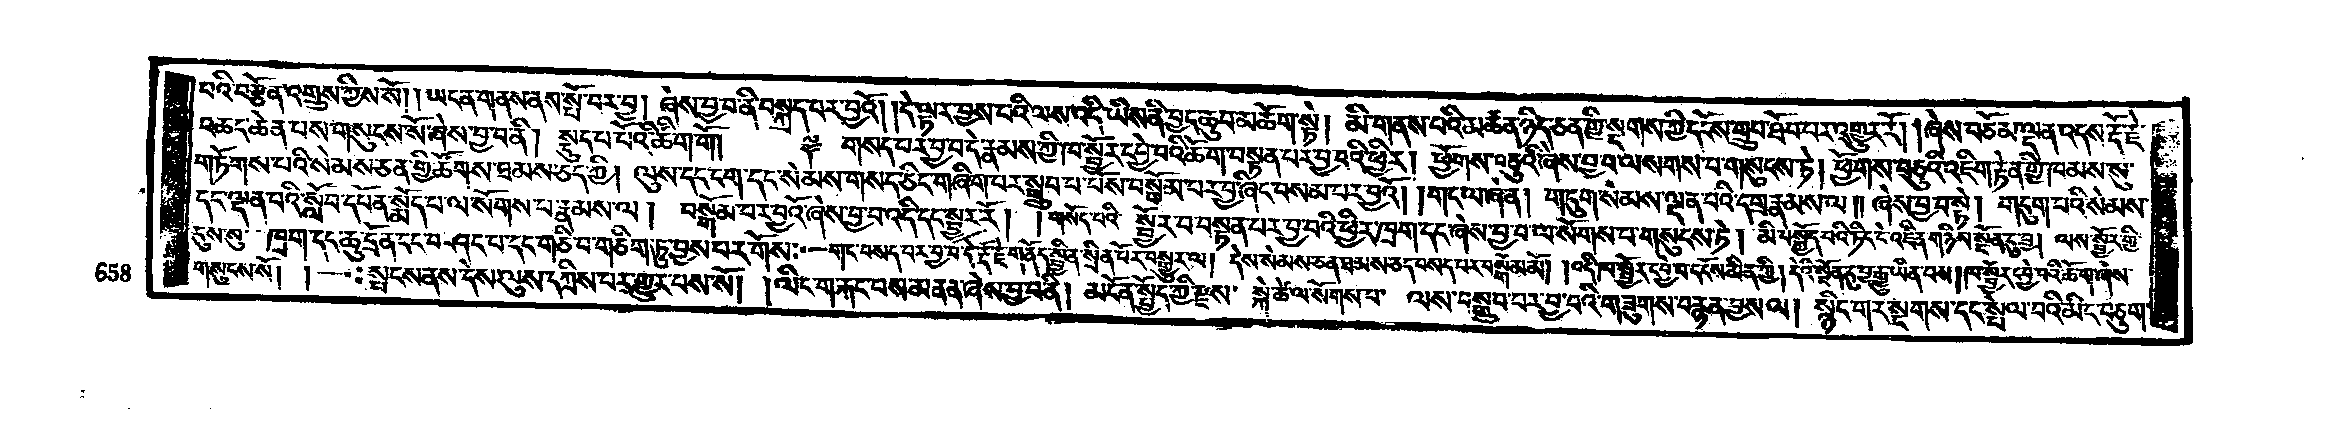པའི་བརྩོན་འགྲུས་ཀྱིས་སོ། །ཡང་ན་གནས་ནས་སྤོ་བར་བྱ། ཞེས་བྱ་བ་ནི་བསྐྲད་པར་བྱའོ། །དེ་ལྟར་བྱས་པའི་ལས་འདི་ཡིས་ནི་བྱང་ཆུབ་མཆོག་སྟེ། མི་གནས་པའི་མཚན་ཉིད་ཅན་གྱི་སྔགས་ཀྱི་དངོས་གྲུབ་ཐོབ་པར་འགྱུར་རོ། །ཞེས་བཅོམ་ལྡན་འདས་རྡོ་རྗེ་
འཆང་ཆེན་པོས་གསུངས་སོ་ཞེས་བྱ་བ་ནི། སྡུད་པ་པོའི་ཚིག་གོ ། ༈ གསད་པར་བྱ་བ་དེ་རྣམས་ཀྱི་ཁ་སྦྱོར་དབྱེ་བའི་ཆོ་ག་བསྟན་པར་བྱ་བའི་ཕྱིར། ཕྱོགས་བཅུའི་ཞེས་བྱ་བ་ལ་སོགས་པ་གསུངས་ཏེ། ཕྱོགས་བཅུའི་འཇིག་རྟེན་གྱི་ཁམས་སུ་
གཏོགས་པའི་སེམས་ཅན་གྱི་ཚོགས་ཐམས་ཅད་ཀྱི། ལུས་དང་ངག་དང་སེམས་གསད་ཅིང་གཞིག་པར་སྒྲུབ་པ་པོས་བསྒོམ་པར་བྱ་ཞིང་བསམ་པར་བྱའོ། །གང་ལ་ཞེ་ན། གདུག་སེམས་ལྡན་པའི་དགྲ་རྣམས་ལ། །ཞེས་བྱ་བ་སྟེ། གདུག་པའི་སེམས་
དང་ལྡན་པའི་སློབ་དཔོན་སྨོད་པ་ལ་སོགས་པ་རྣམས་ལ། བསྒོམ་པར་བྱའོ་ཞེས་བྱ་བ་འདི་དང་སྦྱར་རོ། །གསོད་པའི་སྦྱོར་བ་བསྟན་པར་བྱ་བའི་ཕྱིར་ཁྲག་དང་ཞེས་བྱ་བ་ལ་སོགས་པ་གསུངས་ཏེ། མི་བསྐྱོད་པའི་ཏིང་ངེ་འཛིན་གཉིས་སྔོན་དུ་བྱ། ལས་སྦྱོར་གྱི་
དུས་སུ་ཁྲག་དང་ཆུ་དོན་དང་བཤད་པ་དང་གཅི་བ་གཅིག་ཏུ་བྱས་པར་གོསཿགང་བསད་པར་བྱ་བ་དེ་རྡོ་རྗེ་གནོད་སྦྱིན་སྲིན་པོར་བསྒྱུར་ལ། དེས་སེམས་ཅན་ཐམས་ཅད་བསད་པར་བསྒོམ་མོ། །འདི་ཁ་སྦྱོར་དབྱེ་བ་དངོས་མིན་ཀྱི། དེའི་སྔོན་དུ་བྱ་རྒྱུ་ཡིན་པས། ཁ་སྦྱོར་དབྱེ་བའི་ཆོ་ག་ཞེས་
གསུངས་སོ། །.Hསྤངས་ནས་དེས་ལུས་དཀྲིས་པར་གྱུར་པས་སོ། །ལིང་ག་རྐང་པས་མནན་ཞེས་བྱ་བ་ནི། མངོན་སྤྱོད་ཀྱི་རྫས་སྐེ་ཚེ་ལ་སོགས་པ་ལས་བསྒྲུབ་པར་བྱ་བའི་གཟུགས་བརྙན་བྱས་ལ། སྙིང་གར་སྔགས་དང་སྤེལ་བའི་མིང་བཅུག་